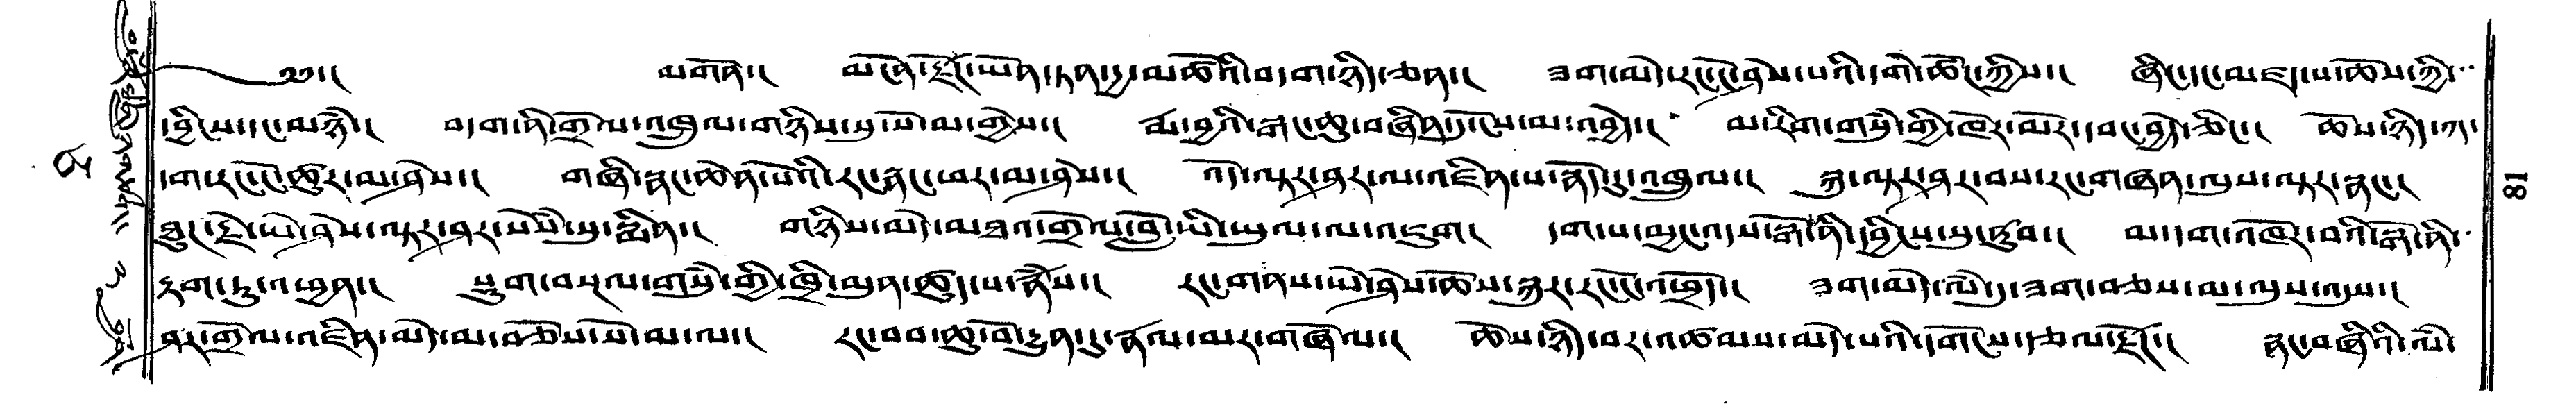མགོན། །མངོན་རྫོགས་ཡོན་ཏན་རྒྱ་མཚོའི་བདག་ཉིད་ཅན། །ཟག་མེད་རང་ངོ་ཤེས་པའི་དགེ་ཚོགས་ཀྱིས། །ཞིང་དང་མཛད་པ་ཆོས་ཀྱི་
དབྱིངས་དང་མཉམ། །བདག་ནི་གྲོལ་འཁྲུལ་གཉིས་སུ་སོ་མ་གྱེས། །རྨ་བྱའི་སྒོང་ཆུ་བཞིན་དུ་ངོས་མ་འབྱེད། །མ་རིག་གསུམ་གྱི་ཁོར་མོར་དབང་བྱེད་ཅིང་། །ཆོས་ཉིད་ཀ་
དག་རང་ངོ་ཚུར་མ་ཤེས། །གཞི་སྣང་ཆེན་པོའི་རང་སྣང་ཕར་མ་ཤེས། །འོད་ལྟར་ཤར་ལ་འཛིན་པ་སྣོད་དུ་འཁྲུལ། །སྐུ་ལྟར་ཤར་བས་རང་གཞན་ལུས་ལྟར་སྣང་། །
ཐུགས་རྗེ་ཡེ་ཤེས་ལྟར་ཤར་སེམས་སུ་སྨིན། །གཉིས་མེད་མཐའ་གྲོལ་བློ་ཡི་ཡུལ་ལ་འཇུག །དག་པ་མྱང་འདས་སྒོ་ནི་དབྱིངས་སུ་ནུབ། །མ་དག་འཁོར་བའི་སྒོ་ནི་
རྟག་ཏུ་འཕྱན། །སྡུག་བསྔལ་གསུམ་གྱི་ཁྲི་མུན་ཚུད་པ་རྣམས། །རང་གནས་ཡེ་ཤེས་ཆོས་སྐུར་རང་ངོ་འཕྲོད། །ཟག་མེད་ལམ་དུ་ཟག་བཅས་མ་ལུས་འདུས། །
ཤར་གྲོལ་འཛིན་མེད་མ་བཅོས་སོ་མ་ལ། །རང་བབ་ཆུ་བོ་རྒྱུན་དུ་རྣལ་མར་གཞོལ། །ཆོས་ཉིད་བར་མཚམས་མེད་པའི་དགོངས་རྩལ་རྫོགས། །སྣང་བཞིའི་ལམ་